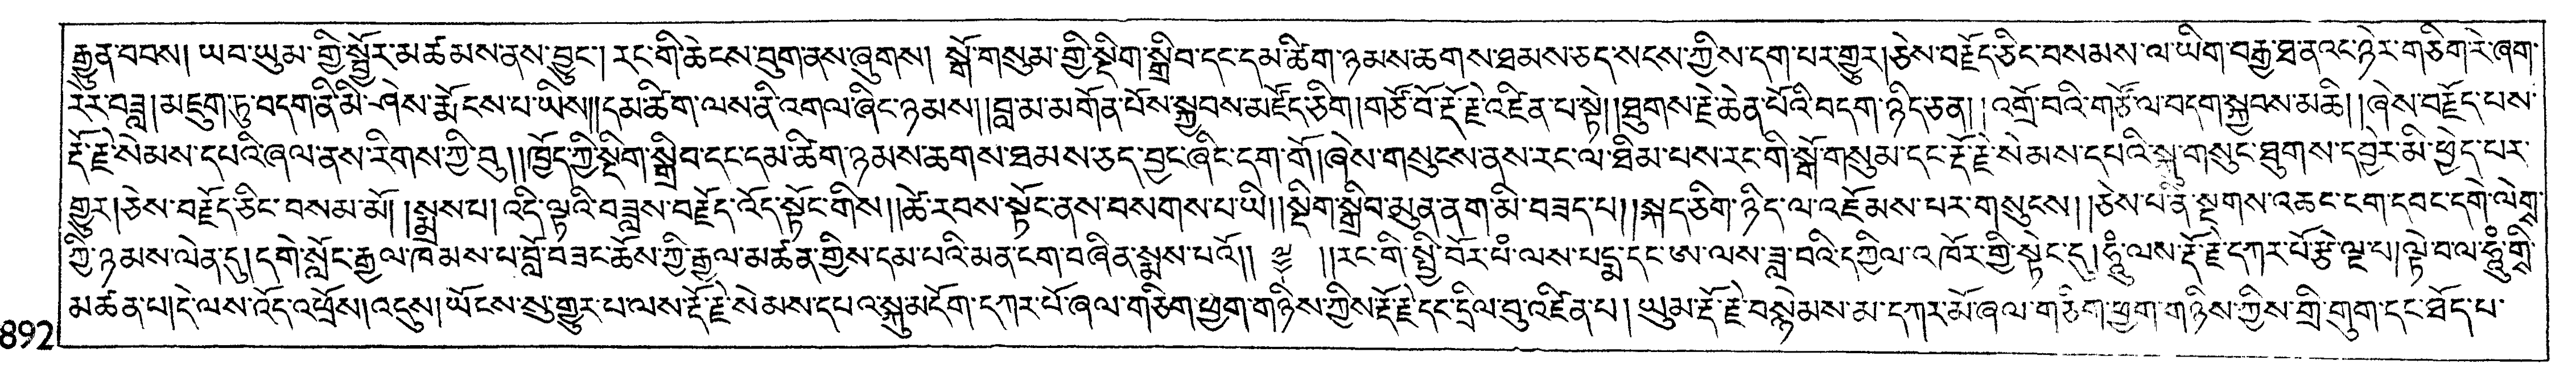རྒྱུན་བབས། ཡབ་ཡུམ་གྱི་སྦྱོར་མཚམས་ནས་བྱུང་། རང་གི་ཆེངས་བུག་ནས་ཞུགས། སྒོ་གསུམ་གྱི་སྡིག་སྒྲིབ་དང་དམ་ཚིག་ཉམས་ཆགས་ཐམས་ཅད་སངས་ཀྱིས་དག་པར་གྱུར། ཅེས་བརྗོད་ཅིང་བསམས་ལ་ཡིག་བརྒྱ་ཐ་ནའང་ཉེར་གཅིག་རེ་ཞག་
རེར་བཟླ། མཇུག་ཏུ་བདག་ནི་མི་ཤེས་རྨོངས་པ་ཡིས། །དམ་ཚིག་ལས་ནི་འགལ་ཞིང་ཉམས། །བླ་མ་མགོན་པོས་སྐྱབས་མཛོད་ཅིག །གཙོ་བོ་རྡོ་རྗེ་འཛིན་པ་སྟེ། །ཐུགས་རྗེ་ཆེན་པོའི་བདག་ཉིད་ཅན། །འགྲོ་བའི་གཙོ་ལ་བདག་སྐྱབས་མཆི། །ཞེས་བརྗོད་པས་
རྡོ་རྗེ་སེམས་དཔའི་ཞལ་ནས་རིགས་ཀྱི་བུ། །ཁྱོད་ཀྱི་སྡིག་སྒྲིབ་དང་དམ་ཚིག་ཉམས་ཆགས་ཐམས་ཅད་བྱང་ཞིང་དག་གོ །ཞེས་གསུངས་ནས་རང་ལ་ཐིམ་པས་རང་གི་སྒོ་གསུམ་དང་རྡོ་རྗེ་སེམས་དཔའི་སྐུ་གསུང་ཐུགས་དབྱེར་མི་ཕྱེད་པར་
གྱུར། ཅེས་བརྗོད་ཅིང་བསམ་མོ། །སྨྲས་པ། འདི་ལྟའི་བཟླས་བརྗོད་འོད་སྟོང་གིས། །ཚེ་རབས་སྟོང་ནས་བསགས་པ་ཡི། །སྡིག་སྒྲིབ་མུན་ནག་མི་བཟད་པ། །སྐད་ཅིག་ཉིད་ལ་འཇོམས་པར་གསུངས། །ཅེས་པ་ནི་སྔགས་འཆང་ངག་དབང་དགེ་ལེགས་
ཀྱི་ཉམས་ལེན་དུ། དགེ་སློང་རྒྱལ་ཁམས་པ་བློ་བཟང་ཆོས་ཀྱི་རྒྱལ་མཚན་གྱིས་དམ་པའི་མན་ངག་བཞིན་སྨས་པའོ།། ༈ །།རང་གི་སྤྱི་བོར་བཾ་ལས་པདམ་དང་ཨ་ལས་ཟླ་བའི་དཀྱིལ་འཁོར་གྱི་སྟེང་དུ། ཧཱུཾ་ལས་རྡོ་རྗེ་དཀར་པོ་རྩེ་ལྔ་པ། ལྟེ་བ་ལ་ཧཱུཾ་གིས་
མཚན་པ། དེ་ལས་འོད་འཕྲོས། འདུས། ཡོངས་སུ་གྱུར་པ་ལས་རྡོ་རྗེ་སེམས་དཔའ་སྐུ་མདོག་དཀར་པོ་ཞལ་གཅིག་ཕྱག་གཉིས་ཀྱིས་རྡོ་རྗེ་དང་དྲིལ་བུ་འཛིན་པ། ཡུམ་རྡོ་རྗེ་བསྙེམས་མ་དཀར་མོ་ཞལ་གཅིག་ཕྱག་གཉིས་ཀྱིས་གྲི་གུག་དང་ཐོད་པ་